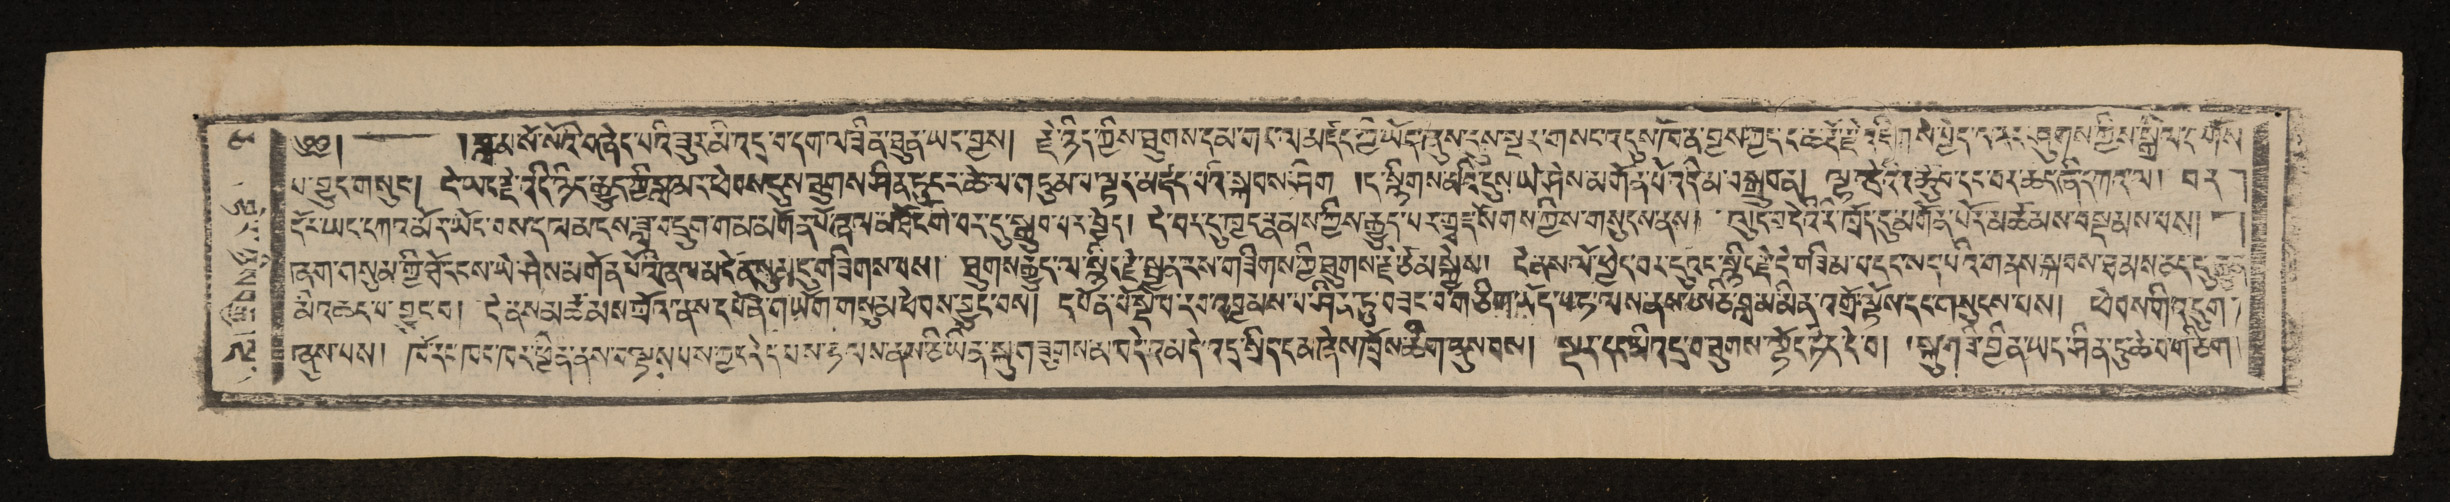༄༅། །བླ་མ་སོ་སོའི་བཞེད་པའི་ཟུར་མི་འདྲ་བ་དག་ལ་ཟིན་ཐུན་ཡང་བྱས། རྗེ་ཉིད་ཀྱིས་ཐུགས་དམ་གང་ལ་མཛད་ཀྱི་ཡོད་ཞུས་དུས་སྔར་གསང་འདུས་ཁོ་ན་བྱས་ཀྱང་ད་ཆ་རྡོ་རྗེ་འཇིགས་བྱེད་ལ་རང་ཤུགས་ཀྱིས་སྒྲིལ་དགོས་
པ་བྱུང་གསུང་། དེ་ཡང་རྗེ་འདི་ཉིད་རྒྱུད་ཀྱི་བླ་མར་ཕེབས་དུས་ཐུགས་ཤིན་ཏུ་ངར་ཆེ་ལ་གཏུམ་པ་ལྟར་མཛད་པའི་སྐབས་ཤིག །ད་སྙིགས་མའི་དུས་ཡེ་ཤེས་མགོན་པོ་འདི་མ་བསྒྲུབ་ན། ལྷ་འདྲེའི་འཚུབ་དང་བར་ཆད་ཞི་དཀའ་ལ། བར་
དོར་ཡང་དཀའ་མོར་ཡོང་བས་ད་ལམ་ངས་ཟླ་བ་དྲུག་གམ་མགོན་པོ་ཞལ་མཐོང་གི་བར་དུ་སྒྲུབ་པར་བྱེད། དེ་བར་དུ་ཁྱེད་རྣམས་ཀྱིས་རྒྱུད་པར་གྲྭ་ཇ་སོགས་ཀྱིས་གསུངས་ནས། ལུང་པ་དེའི་རི་ཁྲོད་དུ་མགོན་པོར་མཚམས་བསྡམས་པས།
ཞག་གསུམ་གྱི་ཐོ་རངས་ཡེ་ཤེས་མགོན་པོའི་ཞལ་མངོན་སུམ་དུ་གཟིགས་བས། ཐུགས་རྒྱུད་ལ་སྙིང་རྗེ་སྤྱན་རས་གཟིགས་ཀྱི་ཐུགས་རྗེ་ཙམ་སྐྱེས། དེ་ནས་ལོ་ཕྱེད་བར་དུའང་སྙིང་རྗེ་དེ་གཟིམ་པ་དང་སད་པའི་གནས་སྐབས་ཐམས་ཅད་དུ་རྒྱུན་
མི་འཆད་པ་བྱུང་བ། དེ་ནས་མཚམས་གྲོལ་ནས་དཔོན་གཡོག་གསུམ་ཕེབས་བྱུང་བས། དཔོན་པོ་སྡེ་པ་རབ་འབྱམས་པ་ཤིན་ཏུ་བཟང་བ་གཅིག་ཡོད་པ་ཧ་ལས་ནས་ཨ་ཙི་བླ་མ་མིན་འགྲོ་ལྟོས་དང་གསུངས་པས། ཕེབས་གི་འདུག་
ཞུས་པས། ཁོ་རང་ཁང་ཁར་ཕྱིན་ནས་བལྟས་པས་ཀྱང་རེད་པས་ཧ་ལས་ནས་ཅི་ཡིན་སྐུ་གཟུགས་མ་བདེ་འམ་དེ་འདྲ་སྲིད་དམ་ཞེས་ཁྲོས་ཚིག་ཞུས་པས། སྔར་དང་མི་འདྲ་བ་ཐུགས་ལྷོད་ཏིང་ངེ་བ། སྐུ་གཟི་བྱིན་ཡང་ཤིན་ཏུ་ཆེ་བ་གཅིག་